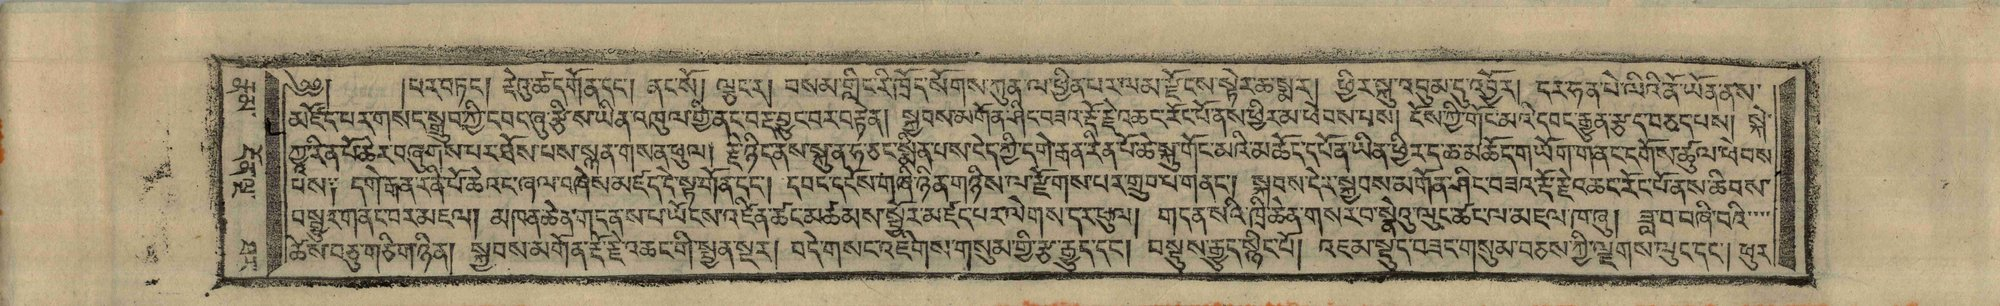༄༅། །པར་བཏང་། རྡེའུ་ཚ་དགོན་དང་། ནང་སོ། ལྕང་ར། བསམ་གླིང་རི་ཁྲོད་སོགས་ཀུན་ལ་ཕྱིན་པར་ལམ་རྫོངས་སྟེར་ཆ་སྨར། ཕྱིར་སྐུ་འབུམ་དུ་འབྱོར། དར་ཧ་ན་པེ་ལིའི་ནོ་ཡོན་ནས་
མཛོད་པར་གསང་སྒྲུབ་ཀྱི་དབང་ཞུ་རྩིས་ཡིན་འཁུལ་གྱི་ནང་བརྡ་བྱུང་བར་བརྟེན། སྐྱབས་མགོན་ཤིང་བཟའ་རྡོ་རྗེ་འཆང་རོང་པོ་ནས་ཕྱིར་མ་ཕེབས་པས། ངོས་ཀྱི་གོང་མའི་དབང་རྒྱུན་རྩད་བཅད་པས། སྐེ་
ཀྱཱ་རིན་པོ་ཆེར་བཞུགས་པར་ཐོས་པས་སྙན་གསན་ཕུལ། རྗེ་ཉིད་ནས་སྐུ་ན་ཧ་ཅང་སྨིན་པས་ངེད་ཀྱི་དགེ་རྒན་རིན་པོ་ཆེ་སྐུ་གོང་མའི་མཆོད་དཔོན་ཡིན་ཕྱིར་ད་ཆ་མཆོད་གཡོག་གནང་དགོས་ཚུལ་ཕེབས་
པས༑ དགེ་རྒན་རིན་པོ་ཆེའང་ཞལ་བཞེས་མཛད་དེ་སྟ་གོན་དང་། དབང་དངོས་གཞི་ཉིན་གཉིས་ལ་རྫོགས་པར་གྲུབ་པ་གནང་། སྐབས་དེར་སྐྱབས་མགོན་ཤིང་བཟའ་རྡོ་རྗེ་འཆང་རོང་པོ་ནས་ཆིབས་
བསྒྱུར་གནང་བར་མཇལ། མཁན་ཆེན་གདན་ས་པ་ཡོངས་འཛིན་ཚང་མཚམས་སྦྱོར་མཛད་པར་ལེགས་དར་ཕུལ། གདན་སའི་ཁྲི་ཆེན་གསར་པ་སྣེའུ་ལུང་ཚང་ལ་མཇལ་ཁ་ཞུ། ཟླ་བ་བཞི་བའི་
ཚེས་བཅུ་གཅིག་ཉིན། སྐྱབས་མགོན་རྡོ་རྗེ་འཆང་གི་སྤྱན་སྔར། བདེ་གསང་འཇིགས་གསུམ་གྱི་རྩ་རྒྱུད་དང་། བསྡུས་རྒྱུད་སྙིང་པོ། འཇམ་སྡུད་བཟང་གསུམ་བཅས་ཀྱི་ལྗགས་ལུང་དང་། ཕུར་